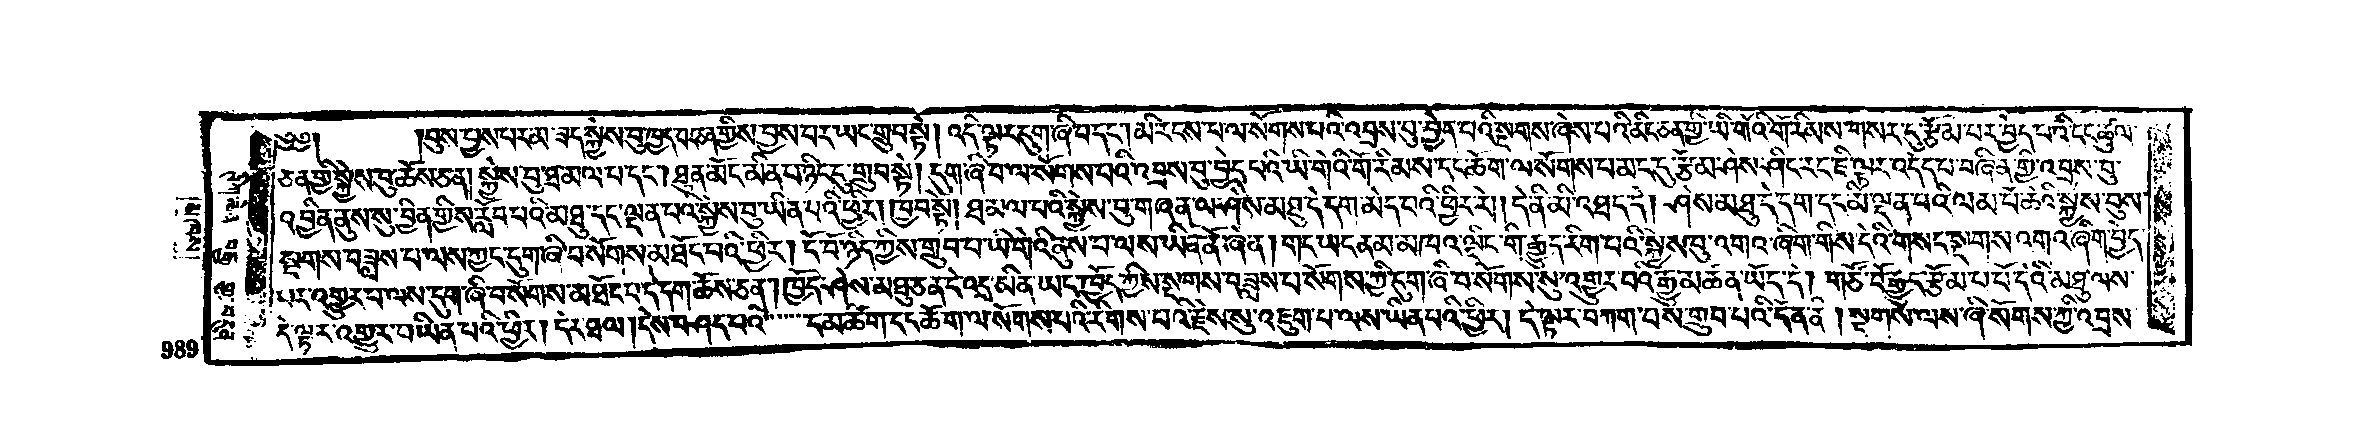༄༅། །བུས་བྱས་པར་མ་ཟད་སྐྱེས་བུ་ཁྱད་པར་ཅན་གྱིས་བྱས་པར་ཡང་གྲུབ་སྟེ། འདི་ལྟར་དུག་ཞི་བ་དང་། མི་རངས་པ་ལ་སོགས་པའི་འབྲས་བུ་བྱེད་པའི་སྔགས་ཞེས་པའི་མིང་ཅན་གྱི་ཡི་གེའི་གོ་རིམས་གསར་དུ་རྩོམ་པར་བྱེད་པའི་ངང་ཚུལ་
ཅན་གྱི་སྐྱེས་བུ་ཆོས་ཅན། སྐྱེས་བུ་ཐ་མལ་པ་དང་། ཐུན་མོང་མིན་པ་ཉིད་དུ་གྲུབ་སྟེ། དུག་ཞི་བ་ལ་སོགས་པའི་འབྲས་བུ་བྱེད་པའི་ཡི་གེའི་གོ་རིམས་དང་ཆོ་ག་ལ་སོགས་པ་མང་དུ་རྩོམ་ཤེས་ཤིང་རང་ཇི་ལྟར་འདོད་པ་བཞིན་གྱི་འབྲས་བུ་
འབྱིན་ནུས་སུ་བྱིན་གྱིས་རློབ་པའི་མཐུ་དང་ལྡན་པའི་སྐྱེས་བུ་ཡིན་པའི་ཕྱིར། ཁྱབ་སྟེ། ཐ་མལ་པའི་སྐྱེས་བུ་གཞན་ལ་ཤེས་མཐུ་དེ་དག་མེད་པའི་ཕྱིར་ཏེ། །དེ་ནི་མི་འཐད་དེ། ཤེས་མཐུ་དེ་དག་དང་མི་ལྡན་པའི་ལམ་པོ་ཆེའི་སྐྱེས་བུས་
སྔགས་བཟླས་པ་ལས་ཀྱང་དུག་ཞི་བ་སོགས་མཐོང་བའི་ཕྱིར། ངོ་བོ་ཉིད་ཀྱིས་གྲུབ་པ་ཡི་གེའི་ནུས་པ་ལས་ཡིན་ནོ་ཞེ་ན། གང་ཡང་ནམ་མཁའ་ལྡིང་གི་རྒྱུད་རིག་པའི་སྐྱེས་བུ་འགའ་ཞིག་གིས་དེའི་གསང་སྔགས་འགའ་ཞིག་བྱེད་
པར་འགྱུར་པ་ལས་དུག་ཞི་བ་སོགས་མཐོང་བ་དེ་དག་ཆོས་ཅན། ཁྱོད་ཤེས་མཐུ་ཅན་དེ་འདྲ་མིན་ཡང་ཁྱོད་ཀྱིས་སྔགས་བཟླས་པ་སོགས་ཀྱི་དུག་ཞི་བ་སོགས་སུ་འགྱུར་བའི་རྒྱུ་མཚན་ཡོད་དེ། གཙོ་བོ་རྒྱུད་རྩོམ་པ་པོ་དེའི་མཐུ་ལས་
དེ་ལྟར་འགྱུར་བ་ཡིན་པའི་ཕྱིར། དེར་ཐལ། དེས་བཤད་པའི་དམ་ཚིག་དང་ཆོ་ག་ལ་སོགས་པའི་རིགས་པའི་རྗེས་སུ་འཇུག་པ་ལས་ཡིན་པའི་ཕྱིར། དེ་ལྟར་བཀག་པས་གྲུབ་པའི་དོན་ནི། སྔགས་ལས་ཞི་སོགས་ཀྱི་འབྲས་